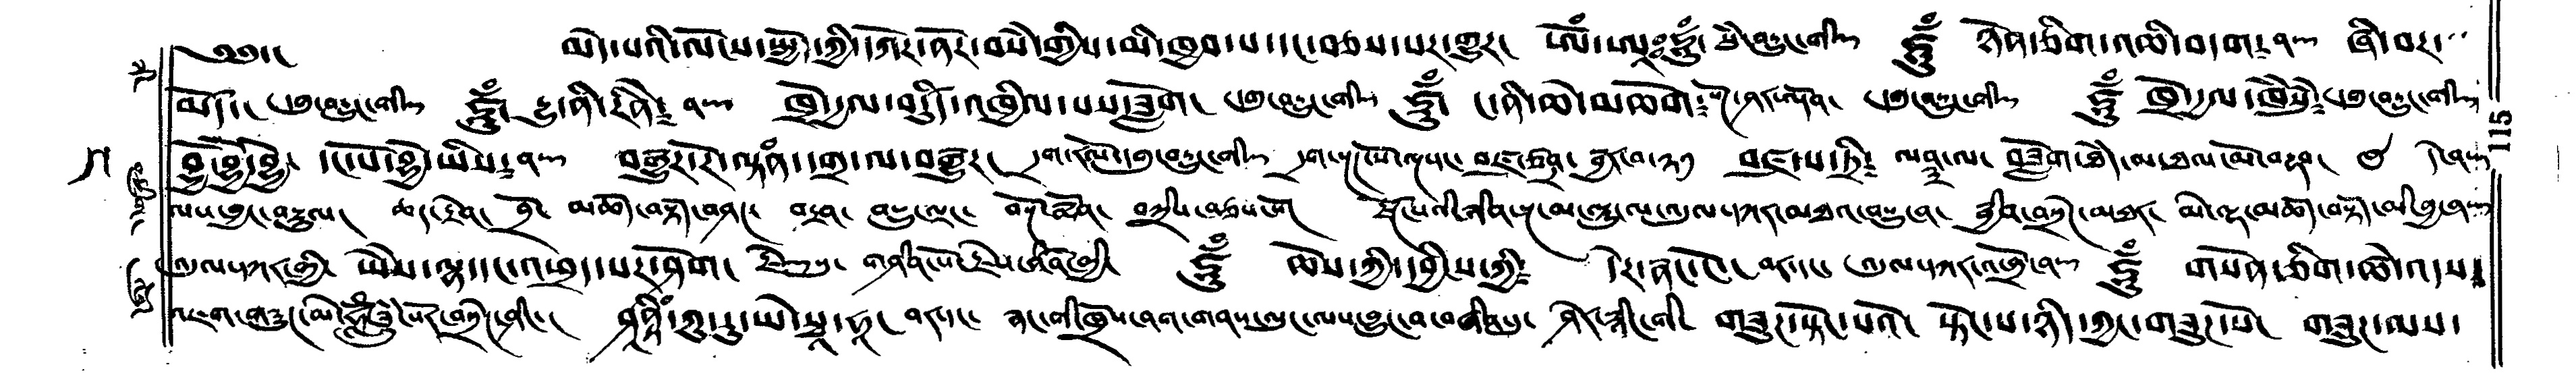༡༡༥༽ མེད་པའི་ལོངས་སྤྱོད་ཀྱི་དཀོར་ནོར་བསམ་གྱིས་མི་ཁྱབ་པ་དང་བཅས་པར་གྱུར། ཨོཾ་ཨཱཿཧཱུྃ། སུམ་བརྡུང་གིས། ཧཱུྃ། ཉོན་ཅིག་འཆི་བདག༴ ནས། ཞི་བར་
མཛོད༔ དགུ་རྡུང་གིས། ཧཱུྃ༔ རྒྱུད་ནི་རིན་ཆེན༴ ནས། ཁྲོ་རྒྱལ་བདུད་རྩི་འཁྱིལ་པས་ཟློག༔ དགུ་རྡུང་གིས། ཧཱུྃ༔ ང་ནི་ཆེ་མཆོག༴ སོགས་ཤར་འདོན། དགུ་རྡུང་གིས། 
ཧཱུྃ༔ ཁྲོ་རྒྱལ་ཁམས་གསུམ༴ དགུ་རྡུང་གིས། བྷྱོ་བྷྱོ་བྷྱོ༔ དང་པོ་བྷྱོ་ཡིས༴ ནས། སྒྱུར་རོ་ལྟས་ངན་དགྲ་ལ་སྒྱུར༔ དྲག་རོལ་དགུ་རྡུང་གིས། དྲག་སྔགས་སོ་ལྔ་དང་། བཛྲ་ཙནྡྲ། སྦྱར་བ་ཉེར་གཅིག བཛྲ་པ་ཏྲི༴ ལན་གསུམ། བཟློག་ཐམས་ཅད་ལ་ཐལ་མོ་རྡབ། དེ་ནས་
ལས་བྱང་བསྐུལ། ཆད་བརྟན། བྲོ། མཆོད་བསྟོད་བཤགས། བརྟན། བསྡུ་ལྡང་། བསྔོ་སྨོན། བཀྲ་ཤིས་བཅས་སོ། རྫོགས་པའི་ཉིན་སྔ་མ་ལྟ་བུ་ལ་འདུལ་དཀར་མཐའ་བསྡུ་ན། སྦྱིན་སྲེག་མཐར། མེ་ལྷའི་མཆོད་བསྟོད་མ་བྱས་གོང་ནས། 
འདུལ་དཀར་གྱི། ཡེ་ཤེས་ལྷ་དང་འཕྲད་པར་ཤོག རྗེས་སུ། གཤིན་པོ་རྗེས་འཛིན་གྱི། ཧཱུྃ། ཆོས་ཀྱི་དབྱིངས་ཀྱི༴ དེར་སྣང་ངོ་། བར་དང་། འདུལ་དཀར་འཕྲོ་ནས། ཧཱུྃ། གསོན་ཅིག་ཚེ་འདས༴ 
འཇག་གཟུགས་མེ་ཧོམ་ཟླུམ་པོར་བསྲེག་ཅིང་། ཤཱནྟིང་ཀུ་རུ་ཡེ་སྭ་ཧཱ། བར་དང་། ཉང་གི་ཁྲོས་ནག་གནས་ལུང་ལས་བྱུང་བ་བཞིན་དུ། ཤེར་སྙིང་གི གཟུགས་སྟོང་པའོ། སྟོང་པཉིད་ཀྱི་གཟུགས་སོ། གཟུགས་ལས་